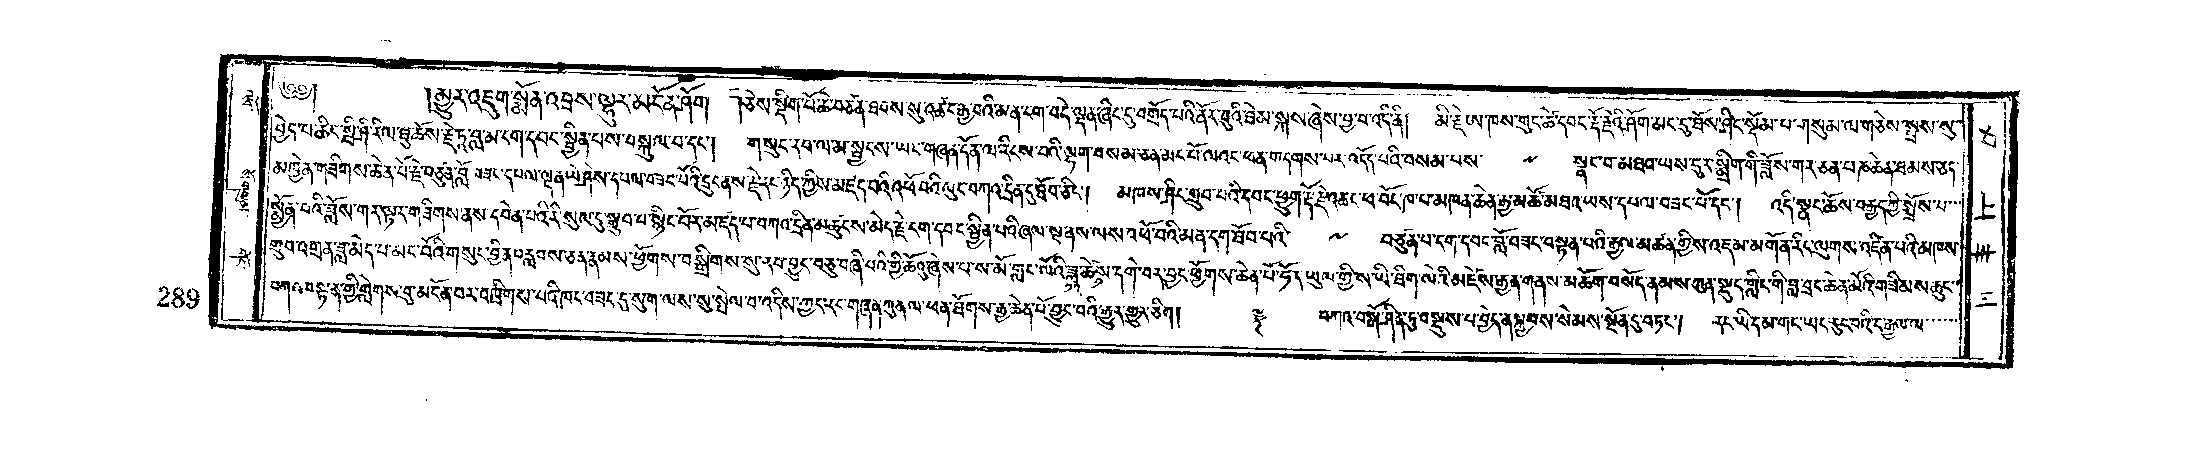༄༅། །མྱུར་འཇུག་སྨོན་འབྲས་ལྷུར་མངོན་ཤོག །ཅེས་སྡིག་པོ་ཆེ་བཙན་ཐབས་སུ་འཚང་རྒྱ་བའི་མན་ངག་བདེ་ལྡན་ཞིང་དུ་བགྲོད་པའི་ནོར་བུའི་ཐེམ་སྐས་ཞེས་བྱ་བ་འདི་ནི། མི་རྗེ་ཨ་ཁས་གུང་ཚེ་དབང་རྡོ་རྗེའི་ཤོག་མང་དུ་ཐོས་ཤིང་སྡོམ་པ་གསུམ་ལ་གཅེས་སྤྲས་སུ་
བྱེད་པ་ཆིང་སྦི་ཤི་རིལ་ཐུ་ཆོས་རྗེ་ཏཱ་བླ་མ་ངག་དབང་སྦྱིན་པས་བསྐུལ་བ་དང་། གསུང་རབ་ལ་མ་སྦྱངས་ཡང་གཞན་དོན་ལ་རིངས་པའི་ལྷག་བསམ་ཅན་མང་པོ་ལའང་ཕན་གདགས་པར་འདོད་པའི་བསམ་པས། ༧་སྣང་བ་མཐའ་ཡས་ངུར་སྨྲིག་གི་ཟློས་གར་ཅན་པཎ་ཆེན་ཐམས་ཅད་
མཁྱེན་གཟིགས་ཆེན་པོ་རྗེ་བཙུན་བློ་བཟང་དཔལ་ལྡན་ཡེ་ཤེས་དཔལ་བཟང་པོའི་དྲུང་ནས་རྗེ་རང་ཉིད་ཀྱིས་མཛད་པའི་འཕོ་བའི་ལུང་བཀའ་དྲིན་དུ་ཐོབ་ཅིང་། མཁས་ཤིང་གྲུབ་པའི་དབང་ཕྱུག་རྡོ་རྗེ་འཆང་ཕ་བོང་ཁ་པ་མཁན་ཆེན་རྒྱ་མཚོ་མཐའ་ཡས་དཔལ་བཟང་པོ་དང་། འདི་སྣང་ཆོས་བརྒྱད་ཀྱི་སྤྲོས་པ་
སྨྱོན་པའི་ཟློས་གར་ལྟར་གཟིགས་ནས་དབེན་པའི་རི་སུལ་དུ་སྒྲུབ་པ་སྙིང་པོར་མཛད་པ་བཀའ་དྲིན་མཚུངས་མེད་རྗེ་ངག་དབང་སྦྱིན་པའི་ཞལ་སྔ་ནས་ལས་འཕོ་བའི་མན་ངག་ཐོབ་པའི ༧་བཙུན་པ་ངག་དབང་བློ་བཟང་བསྟན་པའི་རྒྱལ་མཚན་གྱིས་འཇམ་མགོན་རིང་ལུགས་འཛིན་པའི་མཁས་
གྲུབ་འགྲན་ཟླ་མེད་པ་མང་པོའི་གསུང་བྱིན་བརླབས་ཅན་རྣམས་ཕྱོགས་བསྒྲིགས་སུ་རབ་བྱུང་བཅུ་བཞི་པའི་གྱི་ཆོའུ་ཞེས་པ་ས་མོ་གླང་ལོའི་ཟླ ༡༢་ཚེས ༡་དགེ་བར་བྱང་ཕྱོགས་ཆེན་པོ་ཧོར་ཡུལ་གྱིས་ཡི་ཐིག་ལེའི་མཛེས་རྒྱན་གནས་མཆོག་བསོད་ནམས་ཀུན་སྡུད་གླིང་གི་བླ་བྲང་ཆེན་མོའི་གཟིམས་ཆུང་
བཀའ་བསྟན་གྱི་གླེགས་བུ་མངོན་པར་འཁྲིགས་པའི་ཁང་བཟང་དུ་སུག་ལས་སུ་སྤེལ་བ་འདིས་ཀྱང་རང་གཞན་ཀུན་ལ་ཕན་ཐོགས་རྒྱ་ཆེན་པོ་བྱུང་བའི་རྒྱུར་གྱུར་ཅིག ། ༈ བཀའ་བསྒོ་ཤིན་ཏུ་བསྡུས་པ་བྱེད་ན་སྐྱབས་སེམས་སྔོན་དུ་བཏང་། རང་ཡི་དམ་གང་ཡང་རུང་བའི་ང་རྒྱལ་ལ་